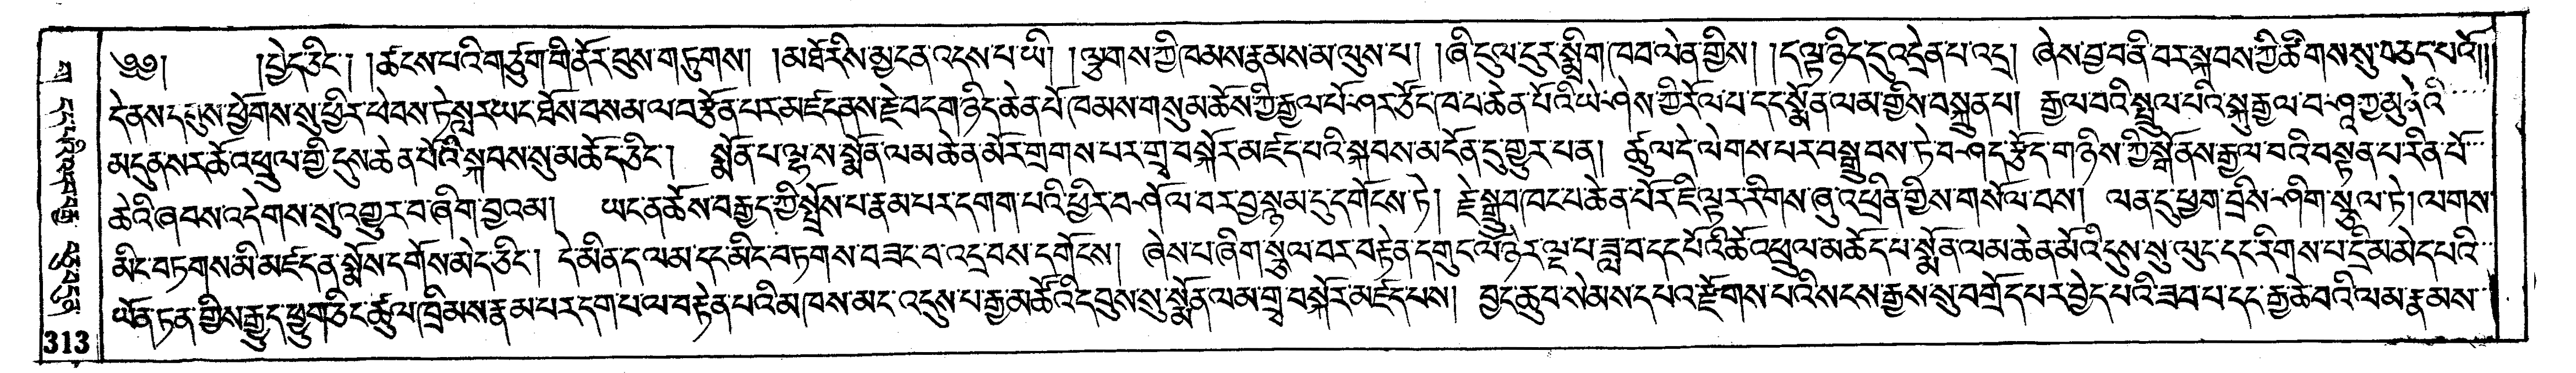༄༅། །བྱེད་ཅིང་། །ཚངས་པའི་གཙུག་གི་ནོར་བུས་གཏུགས། །མཐོ་རིས་མྱ་ངན་འདས་པ་ཡི། །ལྕགས་ཀྱི་ཁམས་རྣམས་མ་ལུས་པ། །ཞི་དུལ་དུར་སྨྲིག་ཁ་བ་ལེན་གྱིས། །ད་ལྟ་ཉིད་དུ་འདྲེན་པ་འདྲ། ཞེས་བྱ་བ་ནི་བར་སྐབས་ཀྱི་ཚིགས་སུ་བཅད་པའོ།།
དེ་ནས་དབུས་ཕྱོགས་སུ་ཕྱིར་ཕེབས་ཏེ་སླར་ཡང་ཐོས་བསམ་ལ་བརྩོན་པར་མཛད་ནས་རྗེ་བདག་ཉིད་ཆེན་པོ་ཁམས་གསུམ་ཆོས་ཀྱི་རྒྱལ་པོ་ཤར་ཙོང་ཁ་པ་ཆེན་པོའི་ཡེ་ཤེས་ཀྱི་རོལ་པ་དང་སྨོན་ལམ་གྱིས་བསྐྲུན་པ། རྒྱལ་བའི་སྤྲུལ་པའི་སྐུ་རྒྱལ་བ་ཤཱཀྱ་མུ་ནེའི་
མདུན་སར་ཆོ་འཕྲུལ་གྱི་དུས་ཆེན་པོའི་སྐབས་སུ་མཆོད་ཅིང་། སྨོན་པ་ལྷ་ས་སྨོན་ལམ་ཆེན་མོར་གྲགས་པར་གྲྭ་བསྐོར་མཛད་པའི་སྐབས་མངོན་དུ་གྱུར་པ་ན། ཚུལ་དེ་ལེགས་པར་བསྒྲུབས་ཏེ་བཤད་རྩོད་གཉིས་ཀྱི་སྒོ་ནས་རྒྱལ་བའི་བསྟན་པ་རིན་པོ་
ཆེའི་ཞབས་འདེགས་སུ་འགྱུར་བ་ཞིག་བྱའམ། ཡང་ན་ཆོས་བརྒྱད་ཀྱི་སྤྲོས་པ་རྣམ་པར་དགག་པའི་ཕྱིར་བཤོལ་བར་བྱ་སྙམ་དུ་དགོངས་ཏེ། རྗེ་སྒྲུབ་ཁང་པ་ཆེན་པོར་ཇི་ལྟར་རིགས་ཞུ་འཕྲིན་གྱིས་གསོལ་བས། ལན་དུ་ཕྱག་བྲིས་ཤིག་སྩལ་ཏེ། ལགས་
མིང་བཏགས་མི་མཛད་ན་སྨོས་དགོས་མེད་ཅིང་། དེ་མིན་ད་ལམ་རང་མིང་བཏགས་བཟང་བ་འདྲ་བས་དགོངས། ཞེས་པ་ཞིག་སྩལ་བར་བརྟེན་དགུང་ལོ་ཉེར་ལྔ་པ་ཟླ་བ་དང་པོའི་ཆོ་འཕྲུལ་མཆོད་པ་སྨོན་ལམ་ཆེན་མོའི་དུས་སུ་ལུང་དང་རིགས་པ་དྲི་མ་མེད་པའི་
ཡོན་ཏན་གྱིས་རྒྱུད་ཕྱུག་ཅིང་ཚུལ་ཁྲིམས་རྣམ་པར་དག་པ་ལ་བརྟེན་པའི་མཁས་མང་འདུས་པ་རྒྱ་མཚོའི་དབུས་སུ་སྨོན་ལམ་གྲྭར་སྐོར་མཛད་པས། བྱང་ཆུབ་སེམས་དཔའ་རྫོགས་པའི་སངས་རྒྱས་སུ་བགྲོད་པར་བྱེད་པའི་ཟབ་པ་དང་རྒྱ་ཆེ་བའི་ལམ་རྣམས་